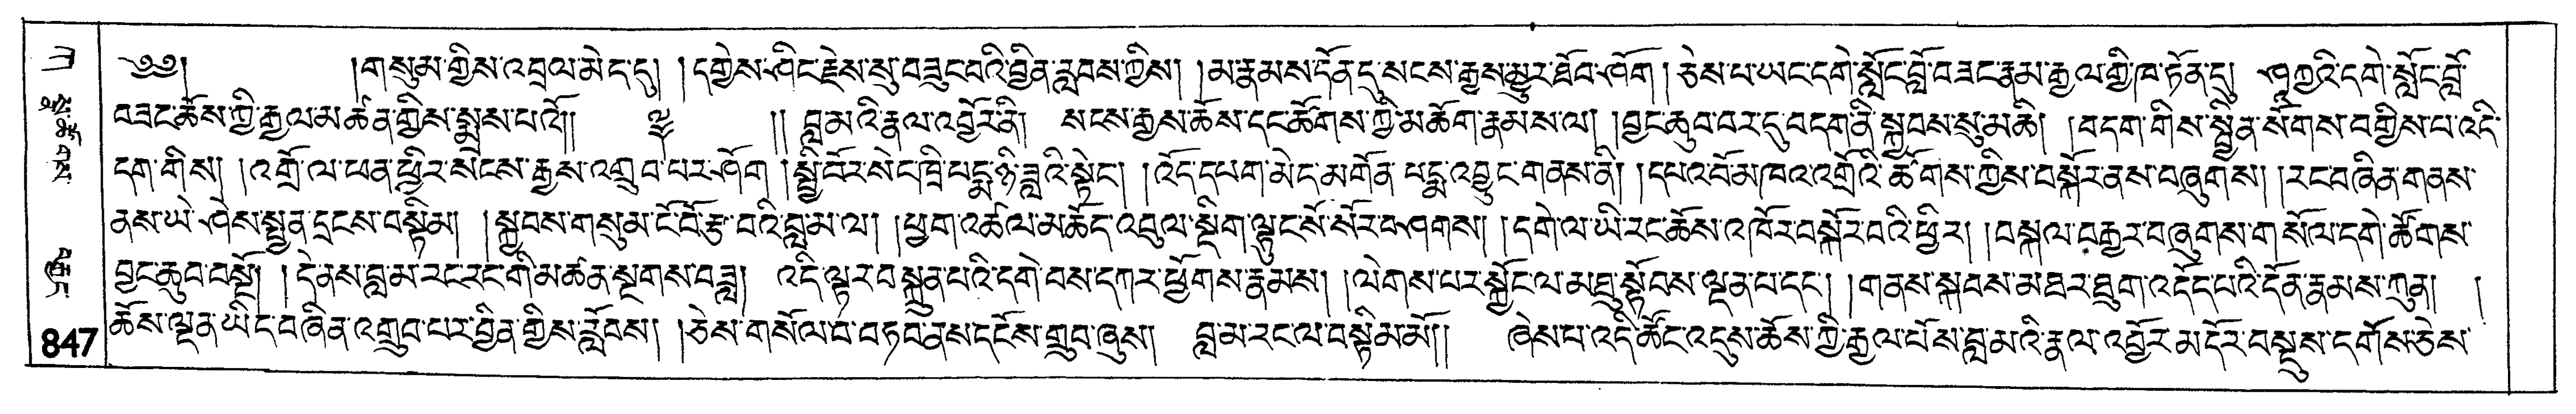༄༅། །གསུམ་གྱིས་འབྲལ་མེད་དུ། །དགྱེས་ཤིང་རྗེས་སུ་བཟུང་བའི་བྱིན་རླབས་ཀྱིས། །མ་རྣམས་དོན་དུ་སངས་རྒྱས་མྱུར་ཐོབ་ཤོག །ཅེས་པ་ཡང་དགེ་སློང་བློ་བཟང་རྣམ་རྒྱལ་གྱི་ཁ་ཏོན་དུ། ཤཱཀྱའི་དགེ་སློང་བློ་
བཟང་ཆོས་ཀྱི་རྒྱལ་མཚན་གྱིས་སྨྲས་པའོ།། ༈ །།བླ་མའི་རྣལ་འབྱོར་ནི། སངས་རྒྱས་ཆོས་དང་ཚོགས་ཀྱི་མཆོག་རྣམས་ལ། །བྱང་ཆུབ་བར་དུ་བདག་ནི་སྐྱབས་སུ་མཆི། །བདག་གིས་སྦྱིན་སོགས་བགྱིས་པ་འདི་
དག་གིས། །འགྲོ་ལ་ཕན་ཕྱིར་སངས་རྒྱས་འགྲུབ་པར་ཤོག །སྤྱི་བོར་སེང་ཁྲི་པདམ་ཉི་ཟླའི་སྟེང་། །འོད་དཔག་མེད་མགོན་པདམ་འབྱུང་གནས་ནི། །དཔའ་བོ་མཁའ་འགྲོའི་ཚོགས་ཀྱིས་བསྐོར་ནས་བཞུགས། །རང་བཞིན་གནས་
ནས་ཡེ་ཤེས་སྤྱན་དྲངས་བསྟིམ། །སྐྱབས་གསུམ་ངོ་བོ་རྩ་བའི་བླ་མ་ལ། །ཕྱག་འཚལ་མཆོད་འབུལ་སྡིག་ལྟུང་སོ་སོར་བཤགས། །དགེ་ལ་ཡི་རང་ཆོས་འཁོར་བསྐོར་བའི་ཕྱིར། །བསྐལ་བརྒྱར་བཞུགས་གསོལ་དགེ་ཚོགས་
བྱང་ཆུབ་བསྔོ། །དེ་ནས་བླ་མ་རང་རང་གི་མཚན་སྔགས་བཟླ། འདི་ལྟར་བསྐྲུན་པའི་དགེ་བས་དཀར་ཕྱོགས་རྣམས། །ལེགས་པར་སྐྱོང་ལ་མཐུ་སྟོབས་ལྡན་པ་དང་། །གནས་སྐབས་མཐར་ཐུག་འདོད་པའི་དོན་རྣམས་ཀུན། །
ཆོས་ལྡན་ཡིད་བཞིན་འགྲུབ་པར་བྱིན་གྱིས་རློབས། །ཅེས་གསོལ་བ་བཏབ་ནས་དངོས་གྲུབ་ཞུས། བླ་མ་རང་ལ་བསྟིམ་མོ། །ཞེས་པ་འདི་ཚོང་འདུས་ཆོས་ཀྱི་རྒྱལ་པོས་བླ་མའི་རྣལ་འབྱོར་མདོར་བསྡུས་དགོས་ཅེས་